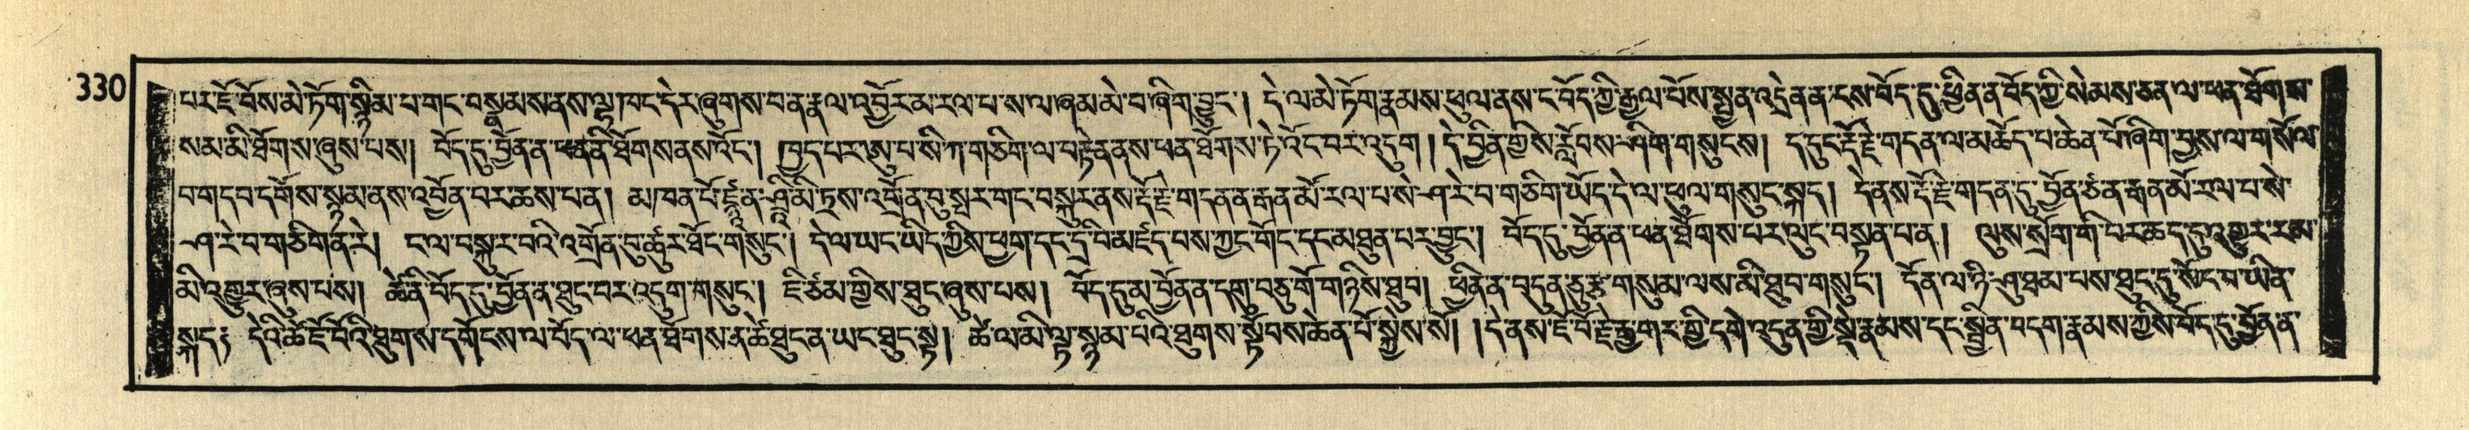པར་ཇོ་བོས་མེ་ཏོག་སྙིམ་པ་གང་བསྣམས་ནས་ལྷ་ཁང་དེར་ཞུགས་བ་ན་རྣལ་འབྱོར་མ་རལ་པ་ས་ལ་ཞམ་མེ་བ་ཞིག་བྱུང་། དེ་ལ་མེ་ཏོག་རྣམས་ཕུལ་ནས་ང་བོད་ཀྱི་རྒྱལ་པོས་སྤྱན་འདྲེན་ན་ངས་བོད་དུ་ཕྱིན་ན་བོད་ཀྱི་སེམས་ཅན་ལ་ཕན་ཐོགས་
སམ་མི་ཐོགས་ཞུས་པས། བོད་དུ་བྱོན་ན་ཕན་ནི་ཐོགས་ནས་འོང་། ཁྱད་པར་ཨུ་པ་སི་ཀ་གཅིག་ལ་བརྟེན་ནས་ཕན་ཐོགས་ཏེ་འོང་བར་འདུག། དེ་བྱིན་གྱིས་རློབས་ཤིག་གསུངས། ད་དུང་རྡོ་རྗེ་གདན་ལ་མཆོད་པ་ཆེན་པོ་ཞིག་བྱས་ལ་གསོལ་
བ་གདབ་དགོས་སྙམ་ནས་འབྱོན་བར་ཆས་པ་ན། མཁན་པོ་ཛྙཱ་ན་ཤྲཱི་མི་ཏྲས་འགྲོན་བུ་སྤར་གང་བསྐུར་ནས་རྡོ་རྗེ་གདན་ན་རྒན་མོ་རལ་པ་སེ་ཤ་རེ་བ་གཅིག་ཡོད་དེ་ལ་ཕུལ་གསུང་སྐད། དེ་ནས་རྡོ་རྗེ་གདན་དུ་བྱོན་ཙ་ན་རྒན་མོ་རལ་པ་སེ་
ཤ་རེ་བ་གཅིག་ན་རེ། ང་ལ་བསྐུར་བའི་འགྲོན་བུ་ཚུར་ཐོང་གསུང་། དེ་ལ་ཡང་ཡིད་ཀྱིས་ཕྱག་དང་དྲི་བ་མཛད་པས་ཀྱང་གོང་དང་མཐུན་པར་བྱུང་། བོད་དུ་བྱོན་ན་ཕན་ཐོགས་པར་ལུང་བསྟན་པ་ན། ལུས་སྲོག་གི་བར་ཆད་དུ་འགྱུར་རམ་
མི་འགྱུར་ཞུས་པས། ཚེ་ནི་བོད་དུ་བྱོན་ན་ཐུང་བར་འདུག་གསུང་། ཇི་ཙམ་གྱིས་ཐུང་ཞུས་པས། བོད་དུ་མ་བྱོན་ན་དགུ་བཅུ་གོ་གཉིས་ཐུབ། ཕྱིན་ན་བདུན་ཅུ་རྩ་གསུམ་ལས་མི་ཐུབ་གསུང་། དོན་ལ་ཉི་ཤུ་ཐམས་པས་ཐུང་དུ་སོང་བ་ཡིན་
སྐད༑ དེའི་ཚེ་ཇོ་བོའི་ཐུགས་དགོངས་ལ་བོད་ལ་ཕན་ཐོགས་ན་ཚེ་ཐུང་ན་ཡང་ཐུང་སྟེ། ཚེ་ལ་མི་ལྟ་སྙམ་པའི་ཐུགས་སྟོབས་ཆེན་པོ་སྐྱེས་སོ། །དེ་ནས་ཇོ་བོ་རྗེ་རྒྱ་གར་གྱི་དགེ་འདུན་གྱི་སྡེ་རྣམས་དང་སྦྱིན་བདག་རྣམས་ཀྱིས་བོད་དུ་བྱོན་ན་